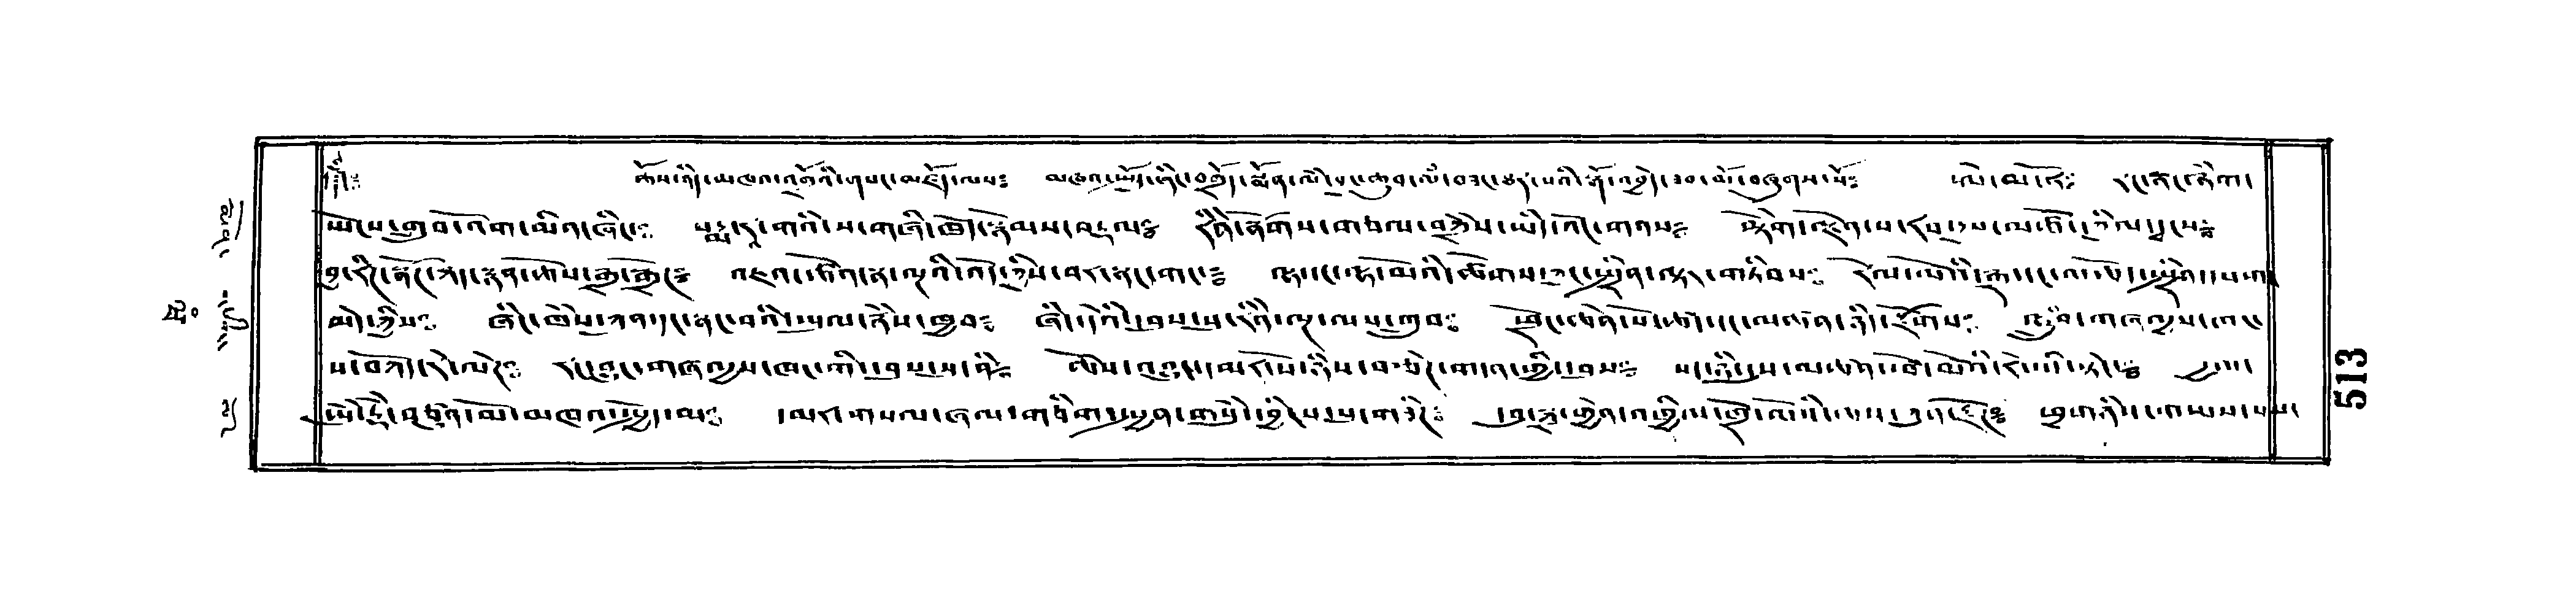ཆོས་ཉིད་མཁའ་འགྲོའི་གསང་མཛོད་ལས༔ མཁའ་སྤྱོད་ཞིང་བགྲོད་སྨོན་ལམ་བྱང་ཆུབ་ལམ་བཟང་ཐར་པའི་སྒོ་འབྱེད་ཟབ་མོ་བཞུགས་སོ༔ ཨེ་མ་ཧོཿ རང་སྣང་རྣམ་དག་
ཡོངས་གྲུབ་འོག་མིན་ཞིང༔ པདྨ་རཱ་གའི་ས་གཞི་ཁོད་སྙོམས་བརྡལ༔ རིན་ཆེན་སྣ་ཚོགས་གཅལ་བཀྲམས་ཡིད་འོང་གནས༔ མེ་ཏོག་ལྗོན་པ་རབ་རྒྱས་མཚོ་དཀྱིལ་དྭངས༔ 
བྱ་རིགས་སྣ་ཚོགས་སྐད་སྙན་ཆོས་སྒྲ་སྒྲོག༔ འཇའ་ཚོན་སྣ་ལྔའི་འོད་ཀྱིས་བར་སྣང་གང༔ ལྷ་དང་ལྷ་མོའི་ཚོགས་ཀྱང་སྤྲིན་ལྟར་གཏིབསཿ རོལ་མོའི་སྒྲ་དང་མཆོད་སྤྲིན་དཔག་
མེད་ཀྱིས༔ ཞིང་ཁམས་ཀུན་དང་སྣང་བའི་ཡུལ་རྣམས་ཁྱབ༔ ཞིང་དེའི་དབུས་སུ་རིན་ཆེན་ལྔ་ལས་གྲུབ༔ ཕོ་བྲང་ཆེན་པོ་ཚད་དང་མཚན་ཉིད་རྫོགས༔ ལྷུན་གྲུབ་གཞལ་ཡས་ཁང་
པ་བཀོད་རེ་ལེགས༔ རང་བྱུང་གཞལ་ཡས་ཁང་གི་དབུས་སུ་ནི༔ ཆོས་འབྱུང་དམར་པོ་ཉིས་བརྩེགས་གདན་གྱིས་དབུས༔ པད་ཉི་དུས་མཚན་ཕོ་མོའི་རོ་ཡི་སྟེང༔ རྒྱལ་
ཡུམ་རྡོ་རྗེ་བཙུན་མོ་མཁའ་སྤྱོད་མ༔ དམར་གསལ་ཞལ་གཅིག་སྤྱན་གསུམ་དབྱིངས་སུ་གཟིགས༔ དབུ་སྐྲ་གྱེན་འཁྱིལ་ཁྲོ་མོའི་ཆས་ཀུན་རྫོགས༔ ཕྱག་གཉིས་གཡས་པས་